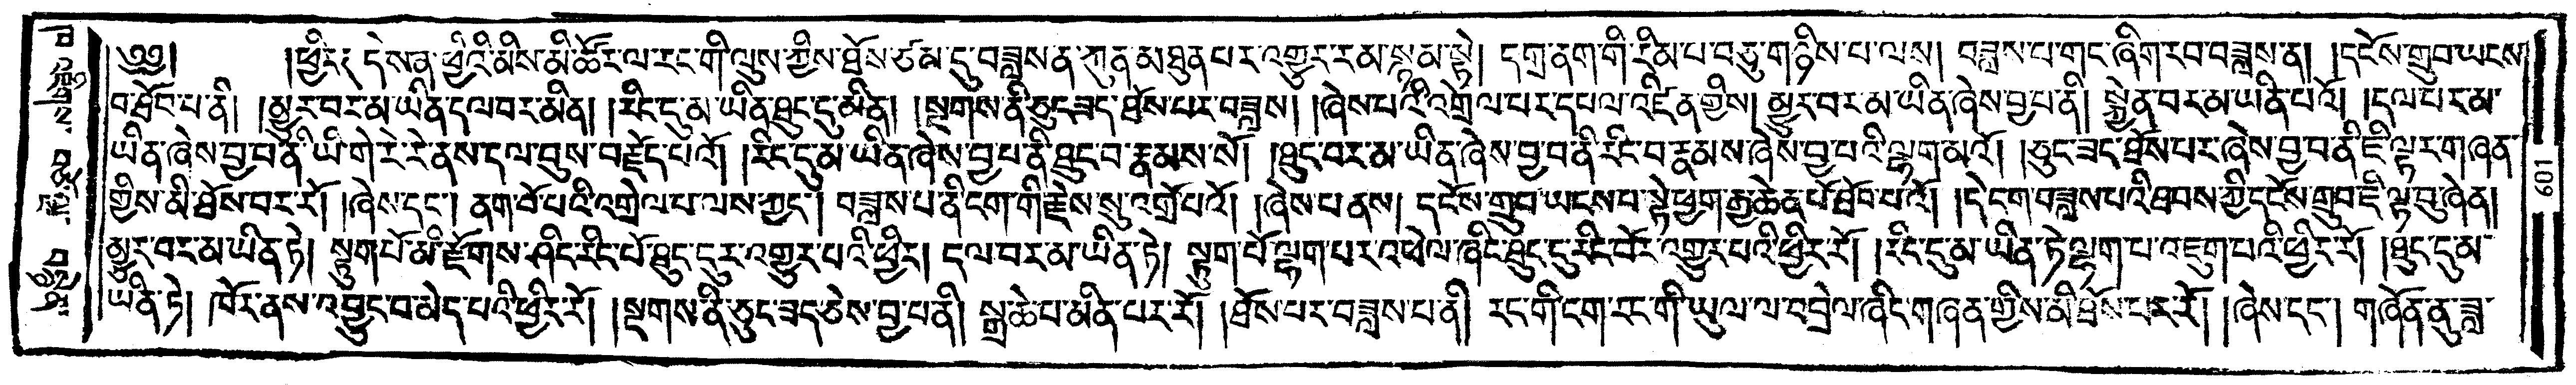༄༅། །ཕྱིར༑ དེས་ན་ཕྱིའི་མིས་མི་ཚོར་ལ་རང་གི་ལུས་ཀྱིས་ཐོས་ཙམ་དུ་བཟླས་ན་ཀུན་མཐུན་པར་འགྱུར་རམ་སྙམ་སྟེ། དགྲ་ནག་གི་རིམ་པ་བཅུ་གཉིས་པ་ལས། བཟླས་པ་གང་ཞིག་རབ་བཟླས་ན། །དངོས་གྲུབ་ཡངས་
བ་ཐོབ་པ་ནི། །མྱུར་བར་མ་ཡིན་དལ་བར་མིན། །རིང་དུ་མ་ཡིན་ཐུང་ངུ་མིན། །སྔགས་ནི་ཅུང་ཟད་ཐོས་པར་བཟླས། །ཞེས་པའི་འགྲེལ་པར་དཔལ་འཛིན་གྱིས། མྱུར་བར་མ་ཡིན་ཞེས་བྱ་བ་ནི། སྐྱེན་བར་མ་ཡིན་པའོ། །དལ་པར་མ་
ཡིན་ཞེས་བྱ་བ་ནི་ཡི་གེ་རེ་རེ་ནས་དལ་བུས་བརྗོད་པའོ། །རིང་དུ་མ་ཡིན་ཞེས་བྱ་བ་ནི་ཐུང་བ་རྣམས་སོ། །ཐུང་བར་མ་ཡིན་ཞེས་བྱ་བ་ནི་རིང་བ་རྣམས་ཞེས་བྱ་བའི་ལྷག་མའོ། །ཅུང་ཟད་ཐོས་པར་ཞེས་བྱ་བ་ནི་ཇི་ལྟར་གཞན་
གྱིས་མི་ཐོས་པར་རོ། །ཞེས་དང་། ནག་པོ་པའི་འགྲེལ་པ་ལས་ཀྱང་། བཟླས་པ་ནི་ངག་གི་རྗེས་སུ་འགྲོ་པའོ། །ཞེས་པ་ནས། དངོས་གྲུབ་ཡངས་བ་སྟེ་ཕྱག་རྒྱ་ཆེན་པོ་ཐོབ་པའོ། །དེ་དག་བཟླས་པའི་ཐབས་ཀྱི་དངོས་གྲུབ་ཇི་ལྟ་བུ་ཞེན།
མྱུར་བར་མ་ཡིན་ཏེ། སྟུག་པོ་མཾ་རྫོགས་ཤིང་རིང་པོ་ཐུང་ངུར་འགྱུར་པའི་ཕྱིར། དལ་བར་མ་ཡིན་ཏེ། སྟུག་པོ་ལྷག་པར་འཕེལ་ཞིང་ཐུང་ངུ་རིང་པོར་འགྱུར་པའི་ཕྱིར་རོ། །རིང་དུ་མ་ཡིན་ཏེ་ལྷག་པ་འཇུག་པའི་ཕྱིར་རོ། །ཐུང་ངུ་མ་
ཡིན་ཏེ། ཁོར་ནས་འབྱུང་བ་མེད་པའི་ཕྱིར་རོ། །སྔགས་ནི་ཅུང་ཟད་ཅེས་བྱ་བ་ནི། སྒྲ་ཆེ་བ་མིན་པར་རོ། །ཐོས་པར་བཟླས་པ་ནི། རང་གི་ངག་རང་གི་ཡུལ་ལ་འབྲེལ་ཞིང་གཞན་གྱིས་མི་ཐོས་པར་རོ། །ཞེས་དང་། གཞོན་ནུ་ཟླ་